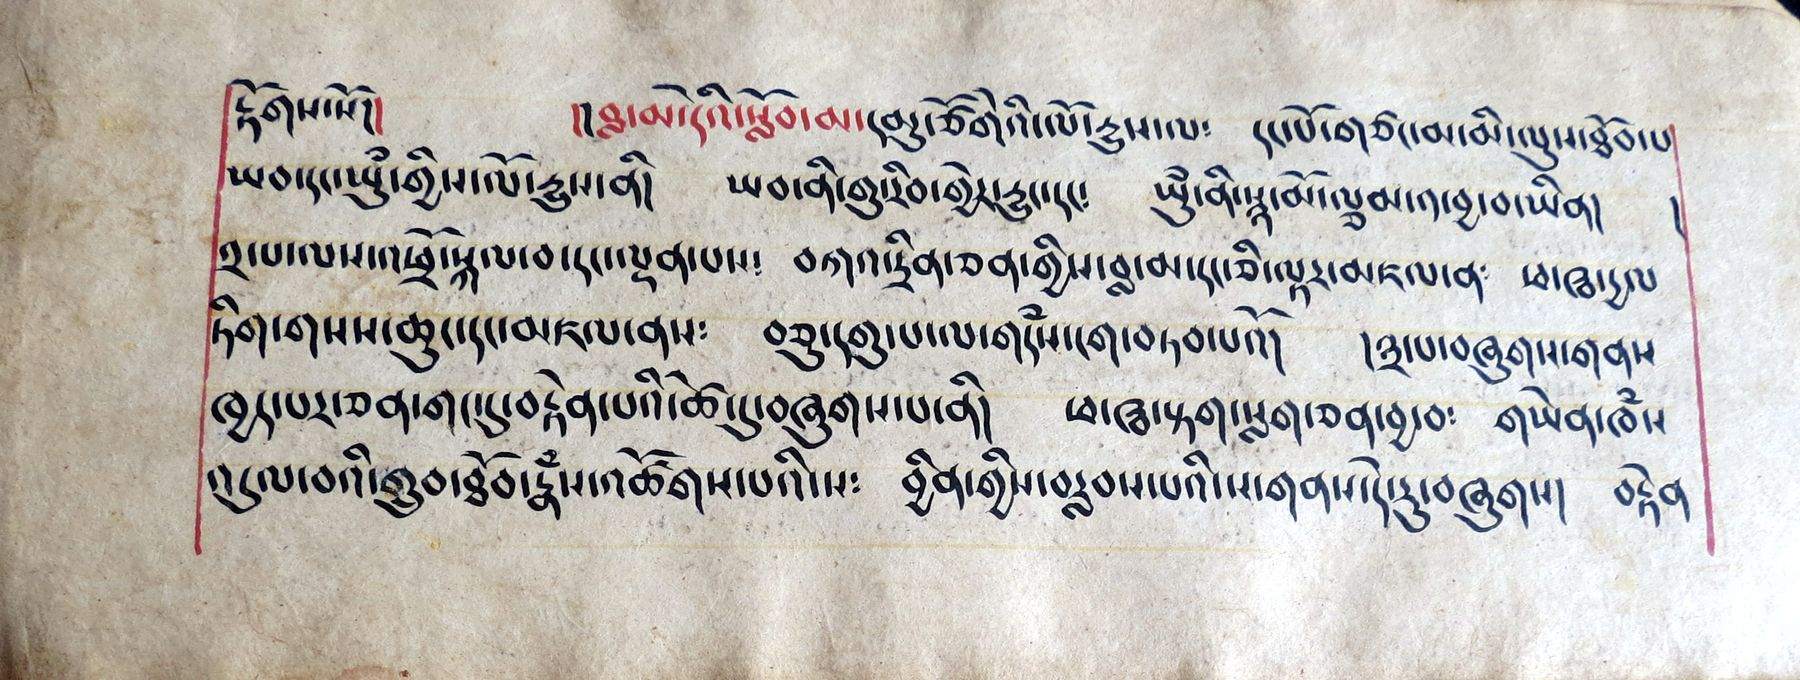རྟོགས་སོ། །བླ་མ་དེའི་སློབ་མ་ནི། དམུ་ཙོག་གེའི་ལོ་རྒྱུས་ལ། དང་པོ་གཙང་མ་མི་ལུས་ཐོབ་པ་དང་། 
ཡབ་དང་ཡུམ་གྱི་ལོ་རྒྱུས་ནི། ཡབ་ནི་གུ་རིབ་གྱེར་རྒྱུང་དང་། ཡུམ་ནི་སྙ་མོ་ལྕམ་གཅིག་བྱ་བ་ཡིན། 
གཉིས་པ་ལས་འཕྲོ་སྐལ་པ་དང་ལྡན་པས། བཀའ་དྲིན་ཅན་གྱི་བླ་མ་དང་ཅི་ལྟར་མཇལ་ན། ཕ་ཝ་རྒྱལ་
ཏིག་གསས་ཆུང་དང་མཇལ་ནས། བཅུ་དགུ་པ་ལ་གདམས་ངག་བཏབ་པའོ། །གསུམ་པ་བཞུགས་གནས་
ཁྱད་པར་ཅན་གང་དུ་བརྟེན་པའི་ཚེ་དུ་བཞུགས་པ་ནི། ཕ་ཝ་སྟག་སླག་ཅན་བྱ་བ། གཡེན་ཁམས་
འདུལ་བའི་གྲུབ་ཐོབ་རྣམས་འཚོགས་པའི་ས། བྱིན་གྱིས་བརླབས་པའི་ས་གནས་དེ་རུ་བཞུགས། བརྟེན་